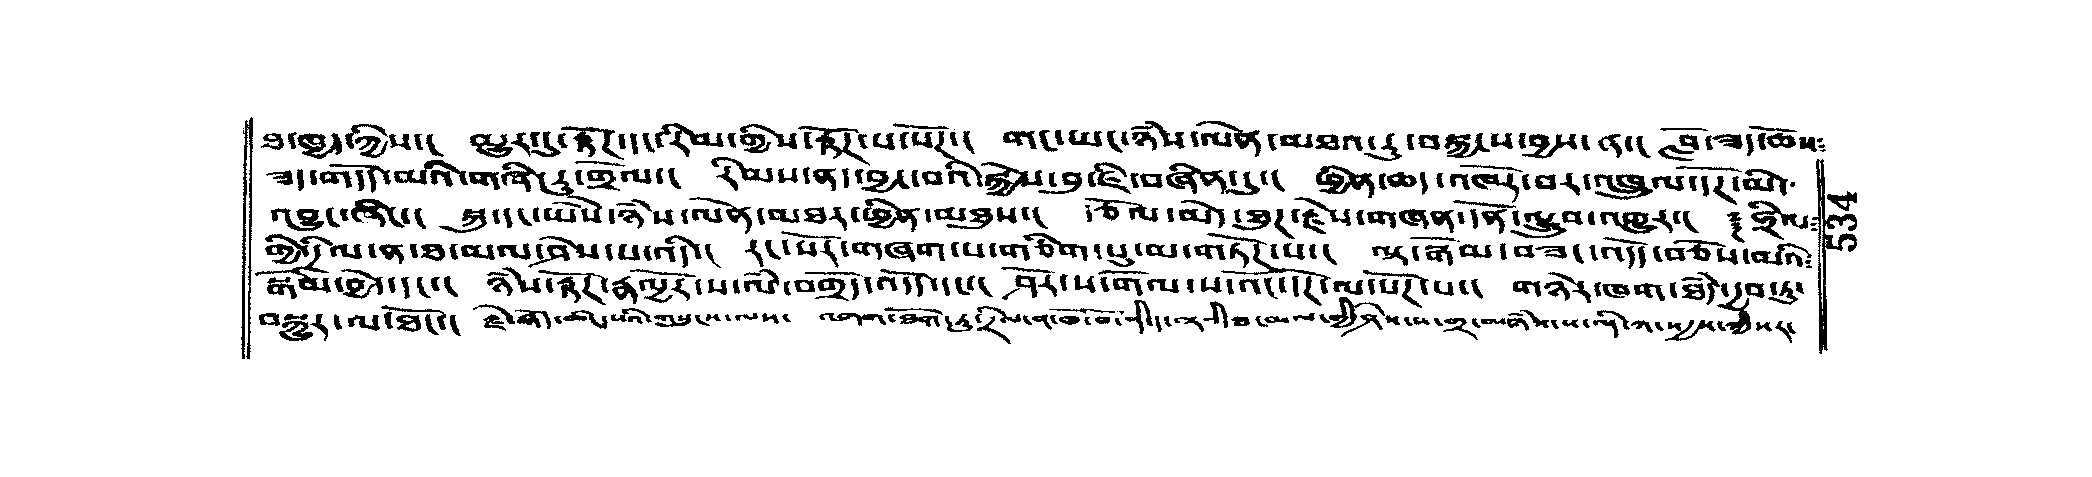ཐ་ཁྱད་ཀྱིས། །མྱུར་དུ་རྟོགས་དང་རིམ་གྱིས་རྟོགས་པ་སོགས། །གང་ཡང་ཉམས་ལེན་མཐའ་རུ་བསྐྱངས་བྱས་ན། །བློ་ཟད་ཆོས་
ཟད་གདོད་མའི་གཞི་རུ་གྲོལ། །རིམས་ནད་བྱང་བའི་སྐྱེས་བུ་ཇི་བཞིན་དུ། །ཕྱིན་ཆད་འཁོར་བར་འཁྲུལ་དོགས་མི་
འབྱུང་ཞིང་། །སྐུ་དང་ཡེ་ཤེས་ཉམས་ལེན་མཐར་ཕྱིན་མཐུས། །རྩོལ་མེད་ཐུགས་རྗེས་གཞན་དོན་ལྷུན་གྲུབ་འགྱུར།༈ ཧྲིལ་
གྱི་དྲིལ་ན་ཐ་མལ་ཤེས་པ་འདི། །རང་སོར་གཞག་པ་གཅིག་པུ་མ་གཏོགས་པ། །ལྟ་སྒོམ་བཟང་འདོད་བཅོས་མའི་
སྒོམ་བྱེད་དང་། །ཉམས་རྟོགས་རྣལ་འབྱོར་ས་ལམ་བགྲོད་འདོད་དང་། །ཤོར་ས་གོལ་ས་འོང་དོགས་ལ་སོགས་པ། །གཉེར་ཁག་ཐམས་ཅད་རྒྱབ་ཏུ་
བསྐྱུར་ལ་ཐོང་། རྗེ་རྒོད་ཚང་པའི་གསུངས་ལས། འགག་ཐོག་ཏུ་དྲིལ་ན་ཁོ་བོ་ནི་ད་ལྟའི་ཐ་མལ་གྱི་ཤེས་པ་གྲྭ་མ་ཉམས་པ་འདི་ཀ་སངས་རྒྱས་ཀྱི་སར་